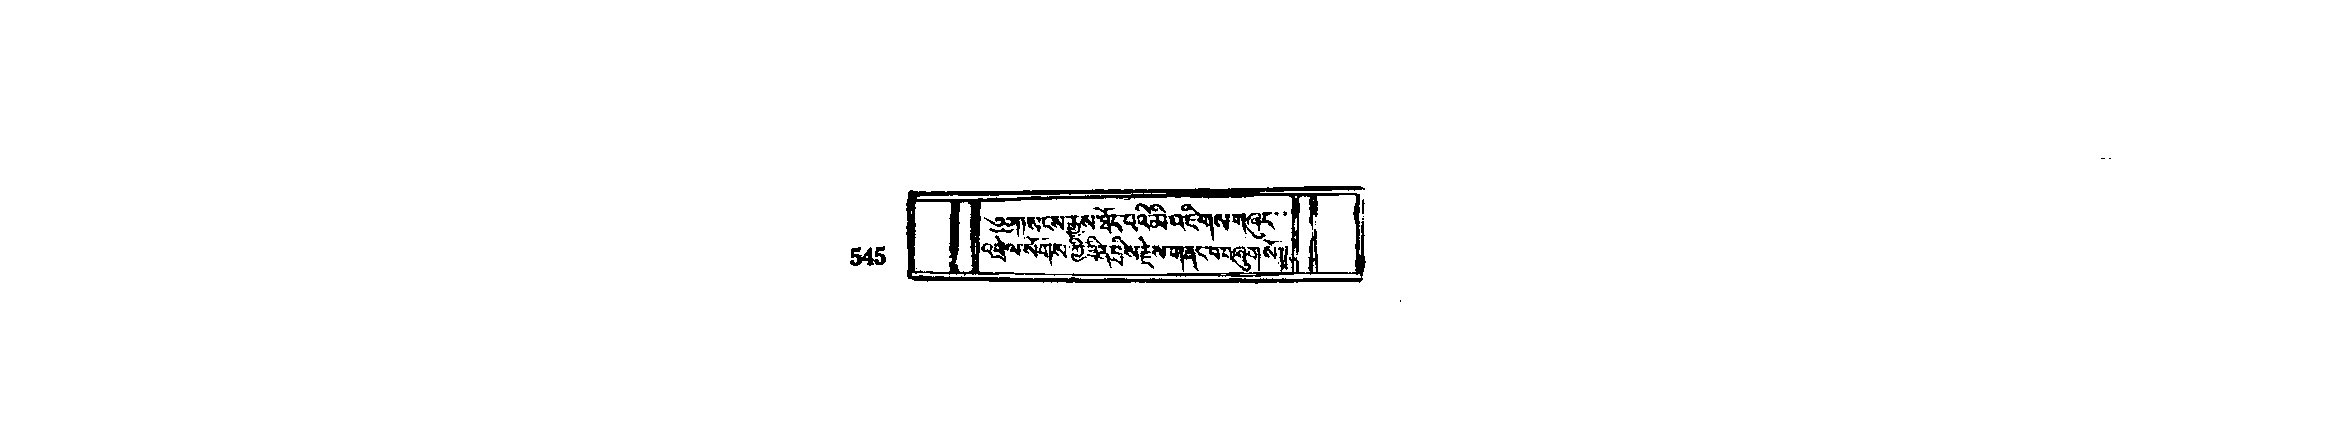༄༅། །སངས་རྒྱས་ཐོད་པའི་མི་འཇིགས་གཞུང་འགྲེལ་སོགས་ཀྱི་ཟིན་བྲིས་རྗེས་གནང་བ་བཞུགས་སོ། །